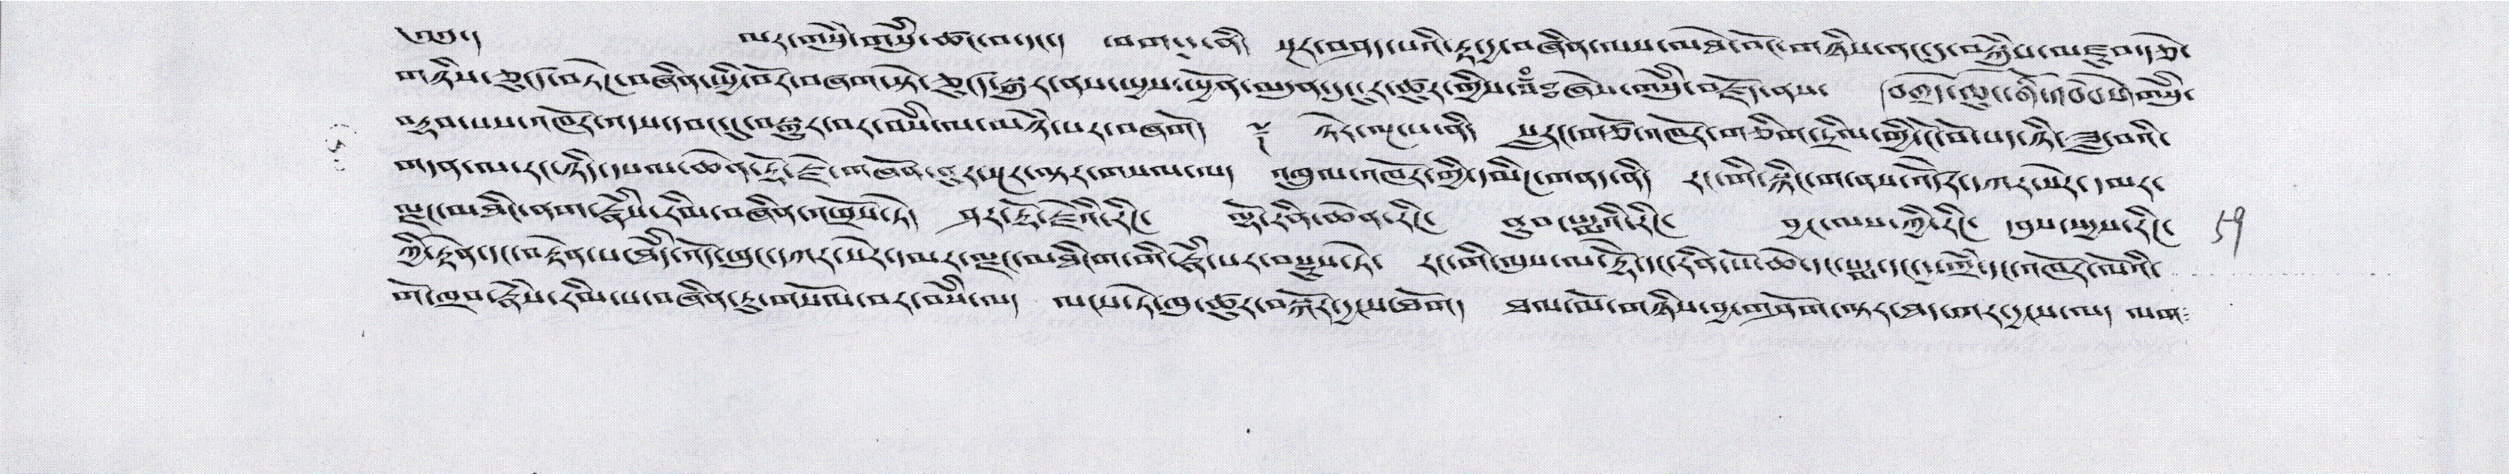མར་གསུམ་གསུམ་ཚང་བ་དང་། ཕྱག་རྒྱ་ནི། སྔར་བཤད་པའི་རྟ་རྒྱ་བཞིན་ལས། མཐེ་བོང་གཉིས་ནང་དུ་བསྐུམ་མཛུབ་རྩེ་
གཉིས་ཅུང་ཟད་བཏེགས་བཞིན་སྤྱི་བོར་བཞག་སྟེ། ཅུང་ཟད་སྒུར་ནས་གཡས་གཡོན་མདུན་དུ་ངུར་ཚུལ་གྱིས་བཾཿཞེས་ལན་གསུམ་བརྗོད་ནས་༼བགྲོད་ཆུང་གི་འབེབས་༽གསུམ་
བརྡབ་པས་འཁོར་འདས་དབང་དུ་བསྒྱུར་བར་བསམ་ལ་མཉམ་པར་བཞག་གོ། ༧ ཉེར་ལྔ་པ་ནི། སླར་ཡང་གཙོ་འཁོར་གཅིག་དྲིལ་གྱི་ངོ་བོ་པད་ཉི་ཟླ་བའི་
གདན་ལ་རང་ཉིད་དཔལ་ཆེན་རྡོ་རྗེ་གཞོན་ནུར་སྔར་ལྟར་གསལ་ལ། འཁྲུལ་འཁོར་གྱི་དམིགས་གནད་ནི། རང་གི་སྙིང་ག་ནས་འོད་ཟེར་དཀར་དམར་
ལྗང་མཐིང་ནག་རྣམས་རིམ་བཞིན་འཕྲོས་ཏེ། ཤར་རྡོ་རྗེ་རིགས། ལྷོ་རིན་ཆེན་རིགས། ནུབ་པདྨ་རིགས། བྱང་ལས་ཀྱི་རིགས། དབུས་སངས་རྒྱས་རིགས་
ཀྱི་རྟེན་དང་བརྟེན་པ་ཐམས་ཅད་འོད་ཕུང་དཀར་སེར་དམར་ལྗང་མཐིང་ནག་གི་རྣམ་པར་བསྡུས་ཏེ། རང་གི་ལུས་ལ་རྡོ་རྗེ་དང་རིན་པོ་ཆེ་དང་པད་མ་དང་རྒྱ་གྲམ་དང་འཁོར་ལོའི་
གོ་ཁྲབ་རྣམས་རིམ་པ་བཞིན་དུ་གསོལ་བར་བསམ་ལ། ལངས་ཏེ་ཁུ་ཚུར་བསྐོར་རྒྱང་ཐོག ཐལ་མོ་གཉིས་བྱ་གཤོག་ལྟར་ཐད་ཀར་རྒྱངས་ལ། ལག་